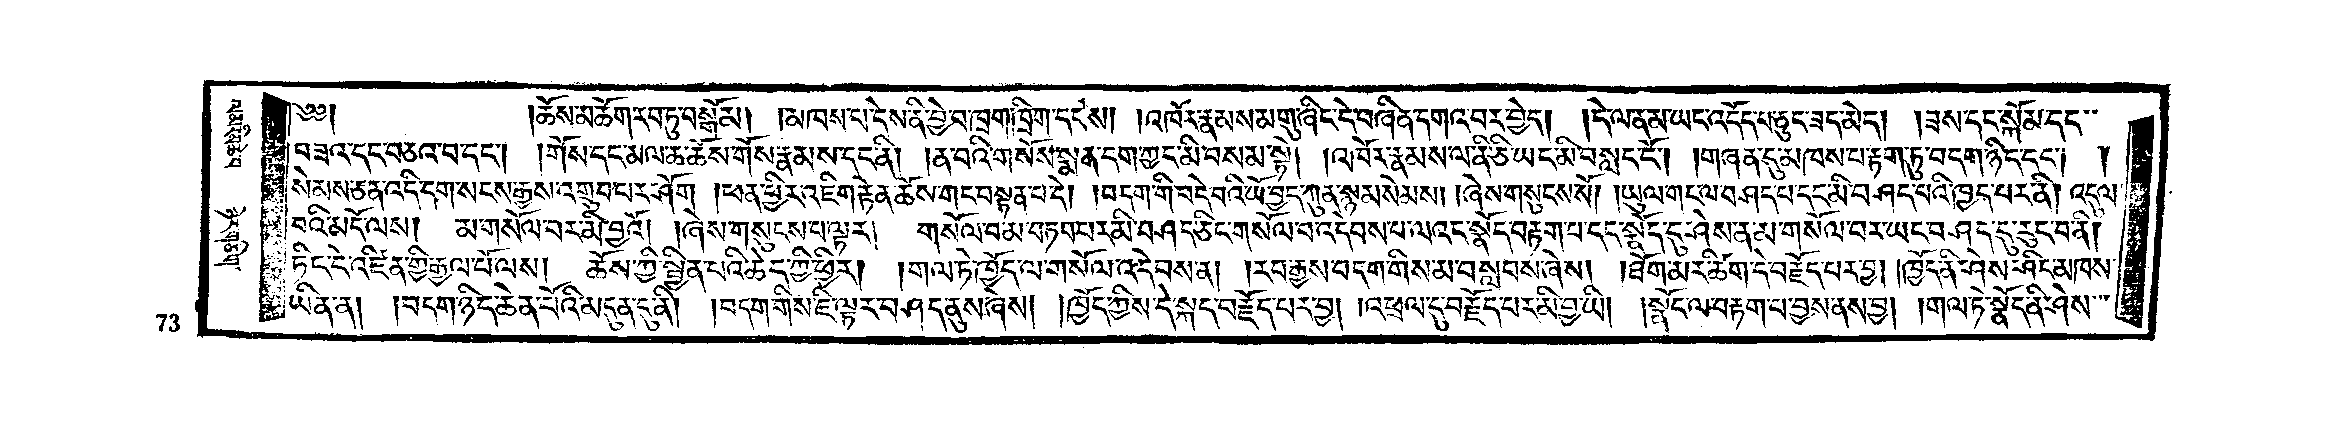༄༅། །ཆོས་མཆོག་རབ་ཏུ་བསྒོམ། །མཁས་པ་དེས་ནི་བྱེ་བ་ཁྲག་ཁྲིག་དཔེས། །འཁོར་རྣམས་མགུ་ཞིང་དེ་བཞིན་དགའ་བར་བྱེད། །དེ་ལ་ནམ་ཡང་འདོད་པ་ཅུང་ཟད་མེད། །ཟས་དང་སྐོམ་དང་
བཟའ་དང་བཅའ་བ་དང་། །གོས་དང་མལ་ཆ་ཆོས་གོས་རྣམས་དང་ནི། །ན་བའི་གསོས་སྨན་དག་ཀྱང་མི་བསམ་སྟེ། །འཁོར་རྣམས་ལ་ནི་ཅི་ཡང་མི་བསླང་ངོ། །གཞན་དུ་མཁས་པ་རྟག་ཏུ་བདག་ཉིད་དང་། །
སེམས་ཅན་འདི་དག་སངས་རྒྱས་འགྲུབ་པར་ཤོག །ཕན་ཕྱིར་འཇིག་རྟེན་ཆོས་གང་བསྟན་པ་དེ། །བདག་གི་བདེ་བའི་ཡོ་བྱད་ཀུན་སྙམ་སེམས། །ཞེས་གསུངས་སོ། །ཡུལ་གང་ལ་བཤད་པ་དང་མི་བཤད་པའི་ཁྱད་པར་ནི། འདུལ་
བའི་མདོ་ལས། མ་གསོལ་བར་མི་བྱའོ། །ཞེས་གསུངས་པ་ལྟར། གསོལ་བ་མ་བཏབ་པར་མི་བཤད་ཅིང་གསོལ་བ་འདེབས་པ་ལའང་སྣོད་བརྟག་པ་དང་སྣོད་དུ་ཤེས་ན་མ་གསོལ་བར་ཡང་བཤད་དུ་རུང་བ་ནི།
ཏེང་ངེ་འཛིན་གྱི་རྒྱལ་པོ་ལས། ཆོས་ཀྱི་སྦྱིན་པའི་ཆེད་ཀྱི་ཕྱིར། །གལ་ཏེ་ཁྱོད་ལ་གསོལ་འདེབས་ན། །རབ་རྒྱས་བདག་གིས་མ་བསླབས་ཞེས། །ཐོག་མར་ཚིག་དེ་བརྗོད་པར་བྱ། །ཁྱོད་ནི་ཤེས་ཤིང་མཁས་
ཡིན་ན། བདག་ཉིད་ཆེན་པོའི་མདུན་དུ་ནི། །བདག་གིས་ཇི་ལྟར་བཤད་ནུས་ཞེས། །ཁྱོད་ཀྱིས་དེ་སྐད་བརྗོད་པར་བྱ། །འཕྲལ་དུ་བརྗོད་པར་མི་བྱ་ཡི། །སྣོད་ལ་བརྟག་པ་བྱས་ནས་བྱ། །གལ་ཏེ་སྣོད་ནི་ཤེས་